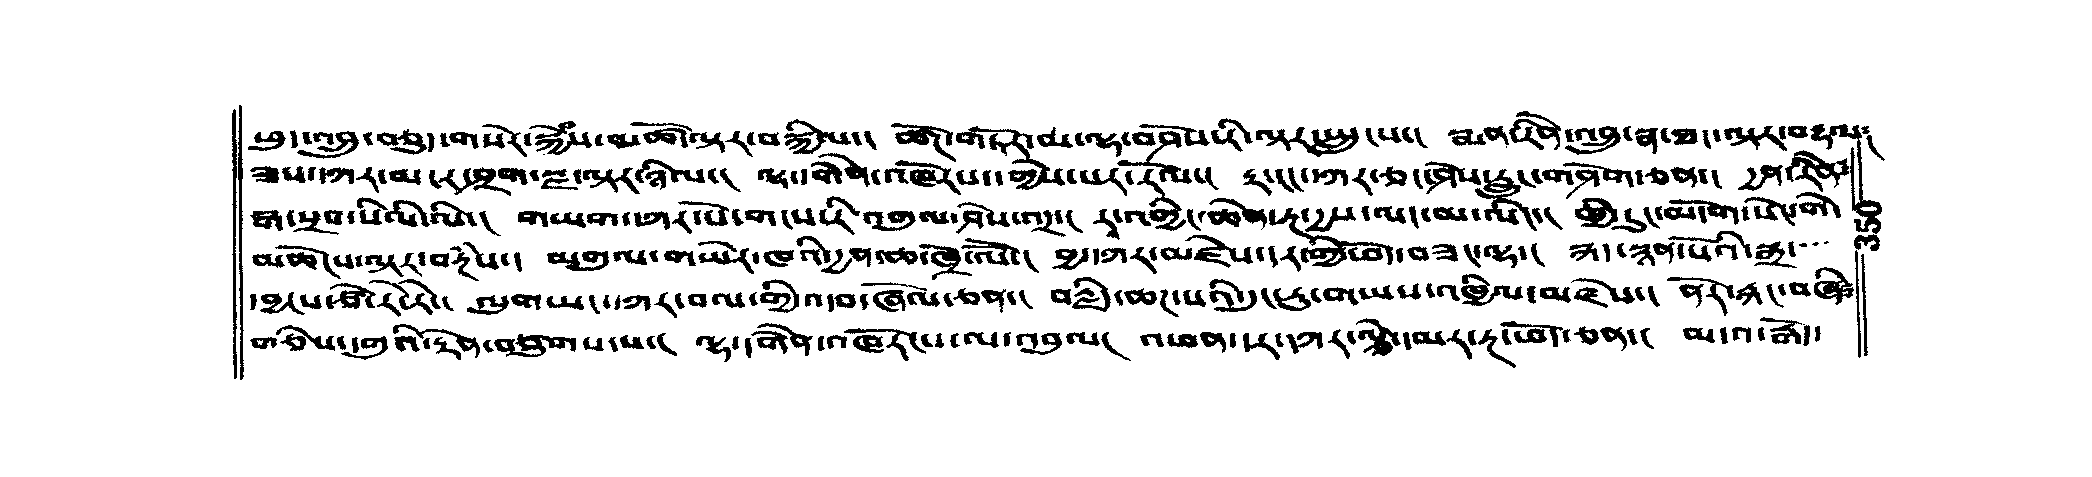ཕུད་འབྲུ་བཅུད་གསེར་སྐྱེམས་མཚོ་ལྟར་བསྐྱིལ། །ཚོགས་གཏོར་མ་ལྷ་བཤོས་རི་ལྟར་སྤུངས། །སྨན་རིན་ཆེན་འབྲུ་སྣ་ཐང་ལྟར་བརྡལ། །
ཟས་དཀར་མངར་ཤ་ཁྲག་རྫ་ལྟར་ཉིལ། །ལྷ་མགོན་པོ་འཁོར་བཅས་དགྱེས་པར་རོལ། །རྟ་ངང་དཀར་ཅང་ཤེས་རླུང་གཤོག་ཅན། །རྒྱན་རིན་ཆེན་
སྒ་སྲབ་སི་ལི་ལི། །གཡག་དཀར་པོ་གངས་རི་འགུལ་ཤེས་འདྲ། །རྭ་འགྱིང་ཆེན་རྔ་རྒྱས་ལང་མ་ལིང་། །ཁྱི་དུང་མདོག་སེང་གེ་
མཆོངས་ལྟར་རྔམས། །མགུལ་གཡེར་ཁའི་རྒྱན་ཆ་ཁྲོ་ལོ་ལོ། །བྱ་དཀར་མཛེས་དར་གྱི་ཕོད་བཟང་ལྷ། །སྐད་སྙན་པོའི་སྒྲ་
དབྱངས་ཙེ་རེ་རེ། །ལུག་གཡང་དཀར་བལ་གྱི་འདབ་ཞོལ་ཅན། །བརྗིད་ཆགས་པའི་དུང་རུ་གཡས་འཁྱིལ་མཛེས། །ནོར་རྐང་བཞི་
གཅེས་དགུའི་རྟེན་བཙུགས་ལ། །ལྷ་མགོན་པོ་འཁོར་དང་བཅས་ལ་འབུལ། །འཕན་དར་དཀར་ལྕེ་དམར་རྔ་ཕོད་ཅན། །མདའ་རྒོད་